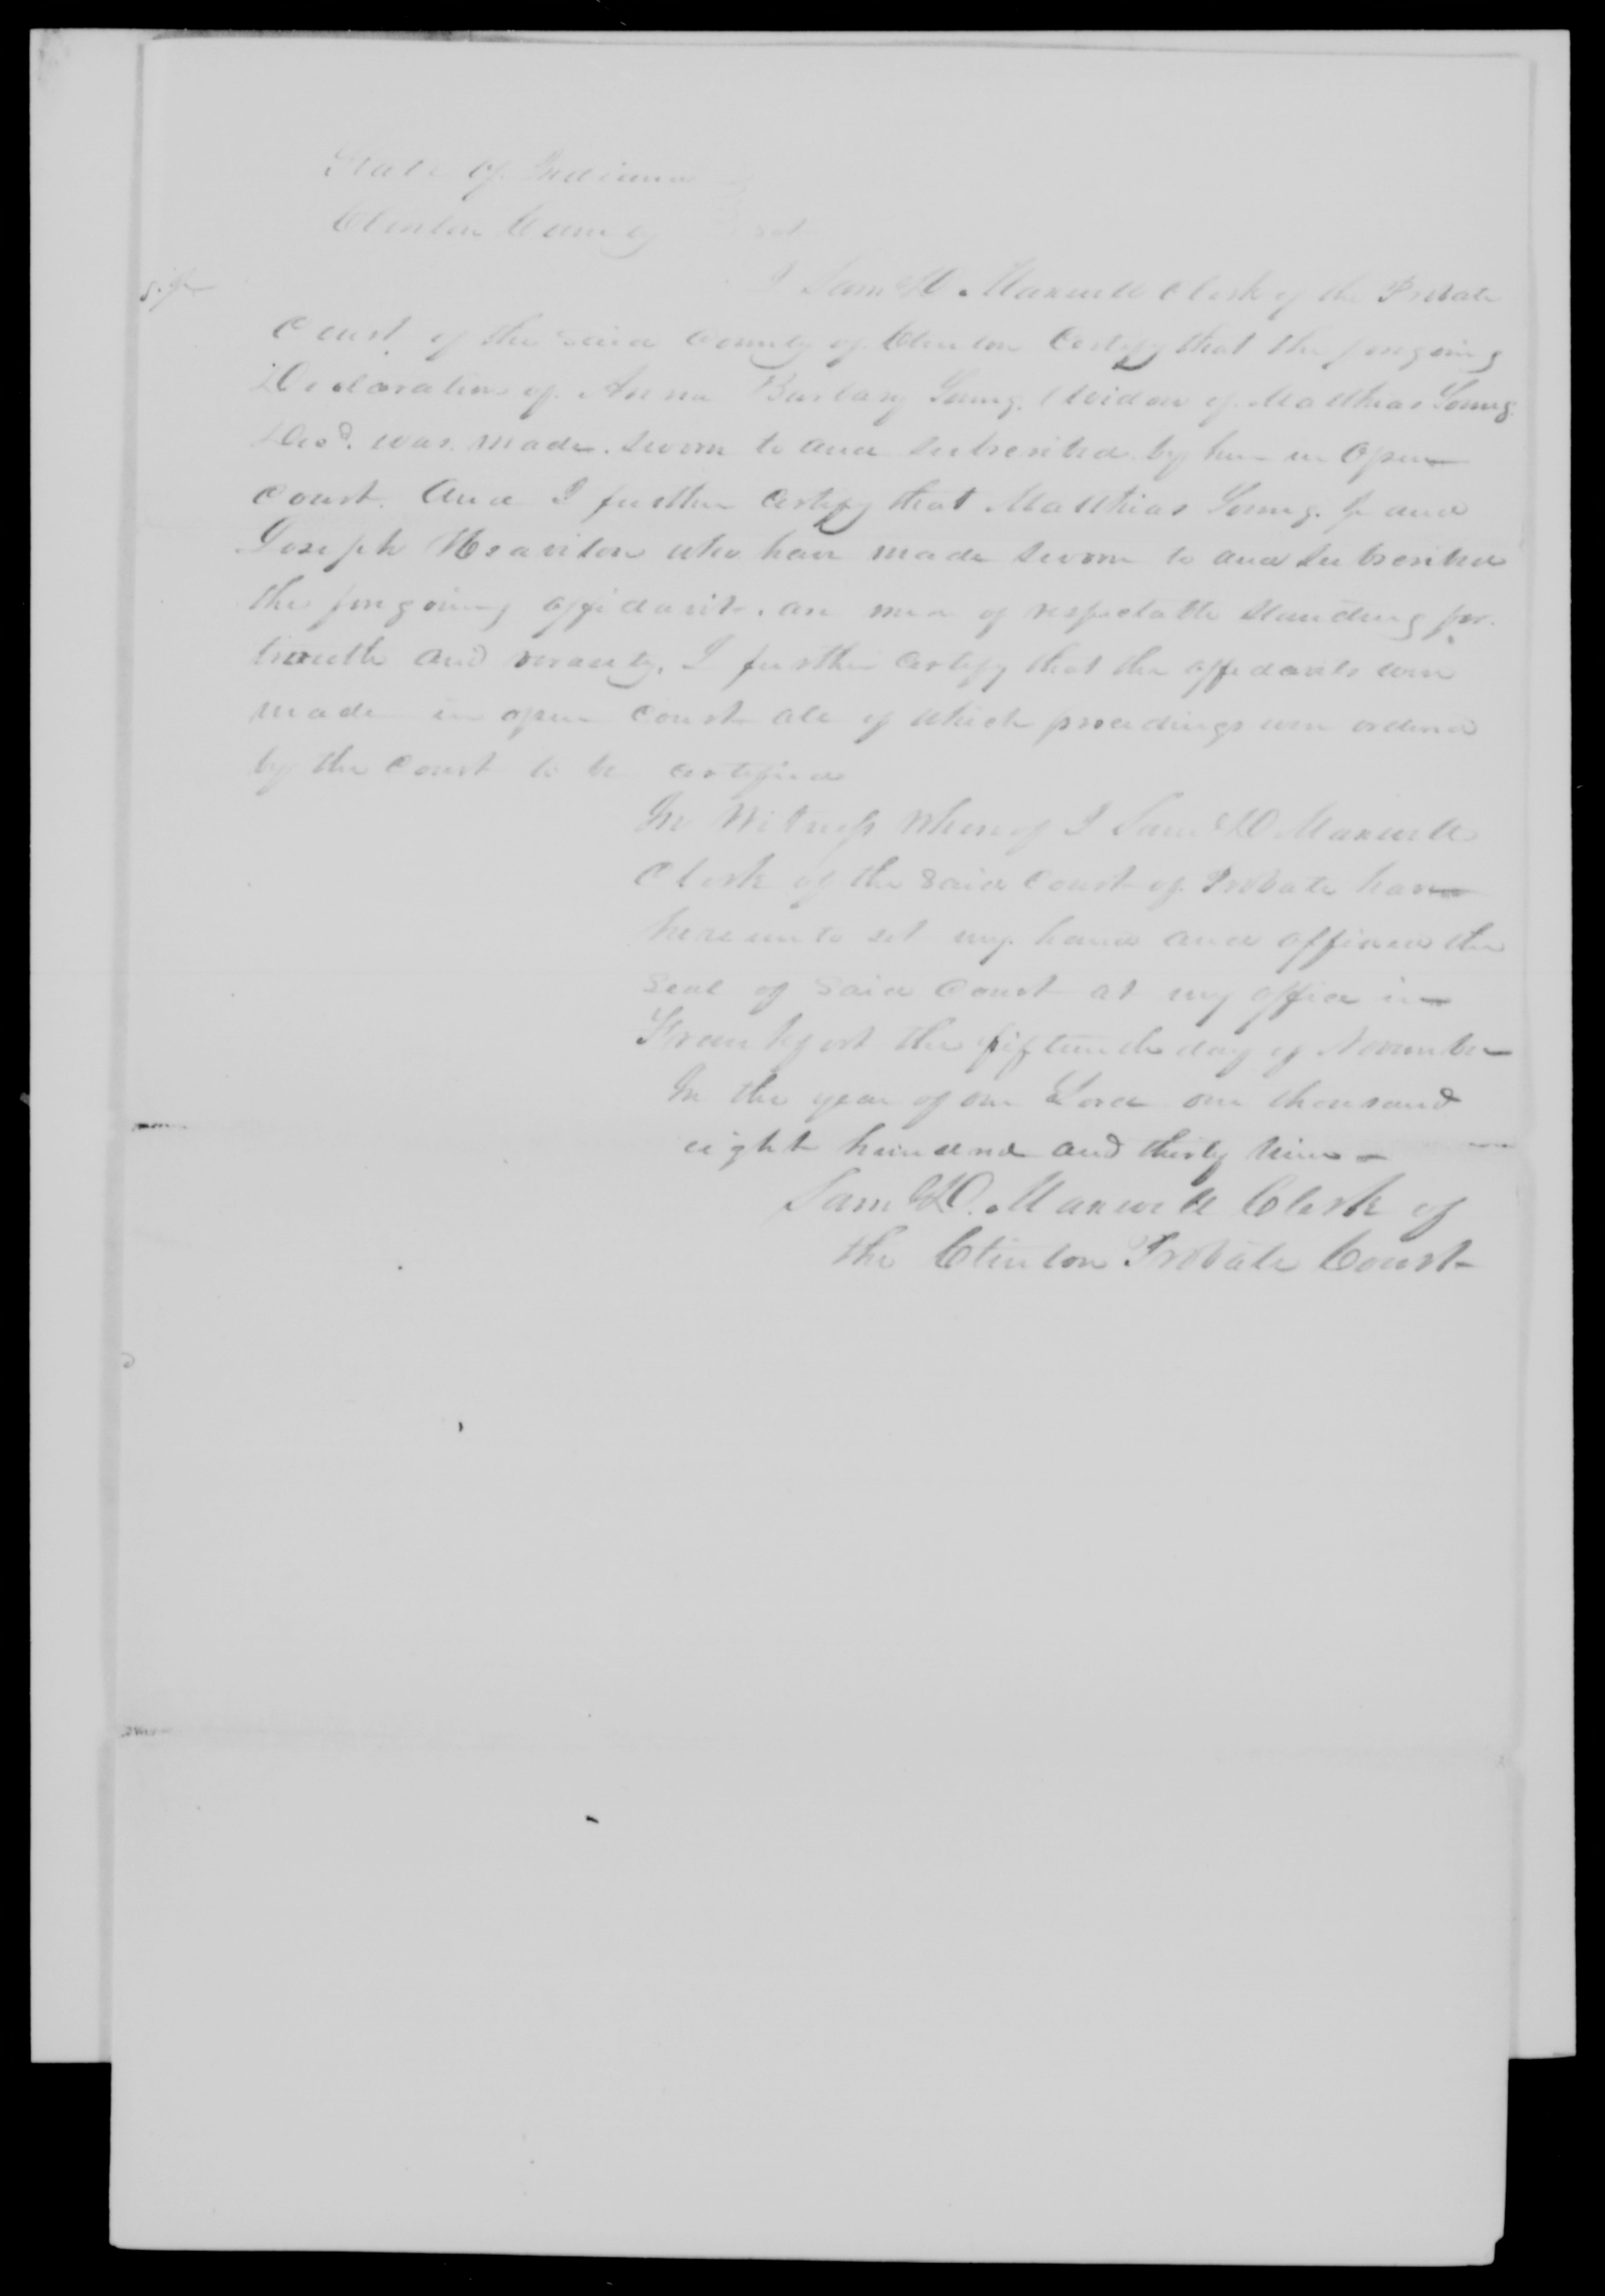State of Indiana Clinton Co set
I Sam’l D Maxwell Clerk of the Probate
Court of the said County of Clinton Certify that the foregoing Declaration of Anna Barbary Young Widow of Matthias Young Dec’d was made, Sworn to and subscribed by her in open Court. And I further certify that Matthias Young Jr and Joseph Hearston who have made sworn to and subscribed
the foregoing affidavit, are men of respectable standing for truth and veracity. I further certify that the affidavits were made in open court all of which proceedings were ordered by the Court to be certified.
In Witness whereof I Sam’l D. Maxwell
Clerk of the said Court of Probate have
hereunto set my hand and affixed the
seal of said Court at my office in
Frankfort the fifteenth day of November
In the year of our Lord one thousand
eight hundred and thirty nine.
Sam’l D Maxwell Clerk of
the Clinton Probate Court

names: Saml D Maxwell, Joseph Hearston, Matthias Young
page: 15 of 123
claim: rejected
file: R. 11,949, Matthias Young, Md.